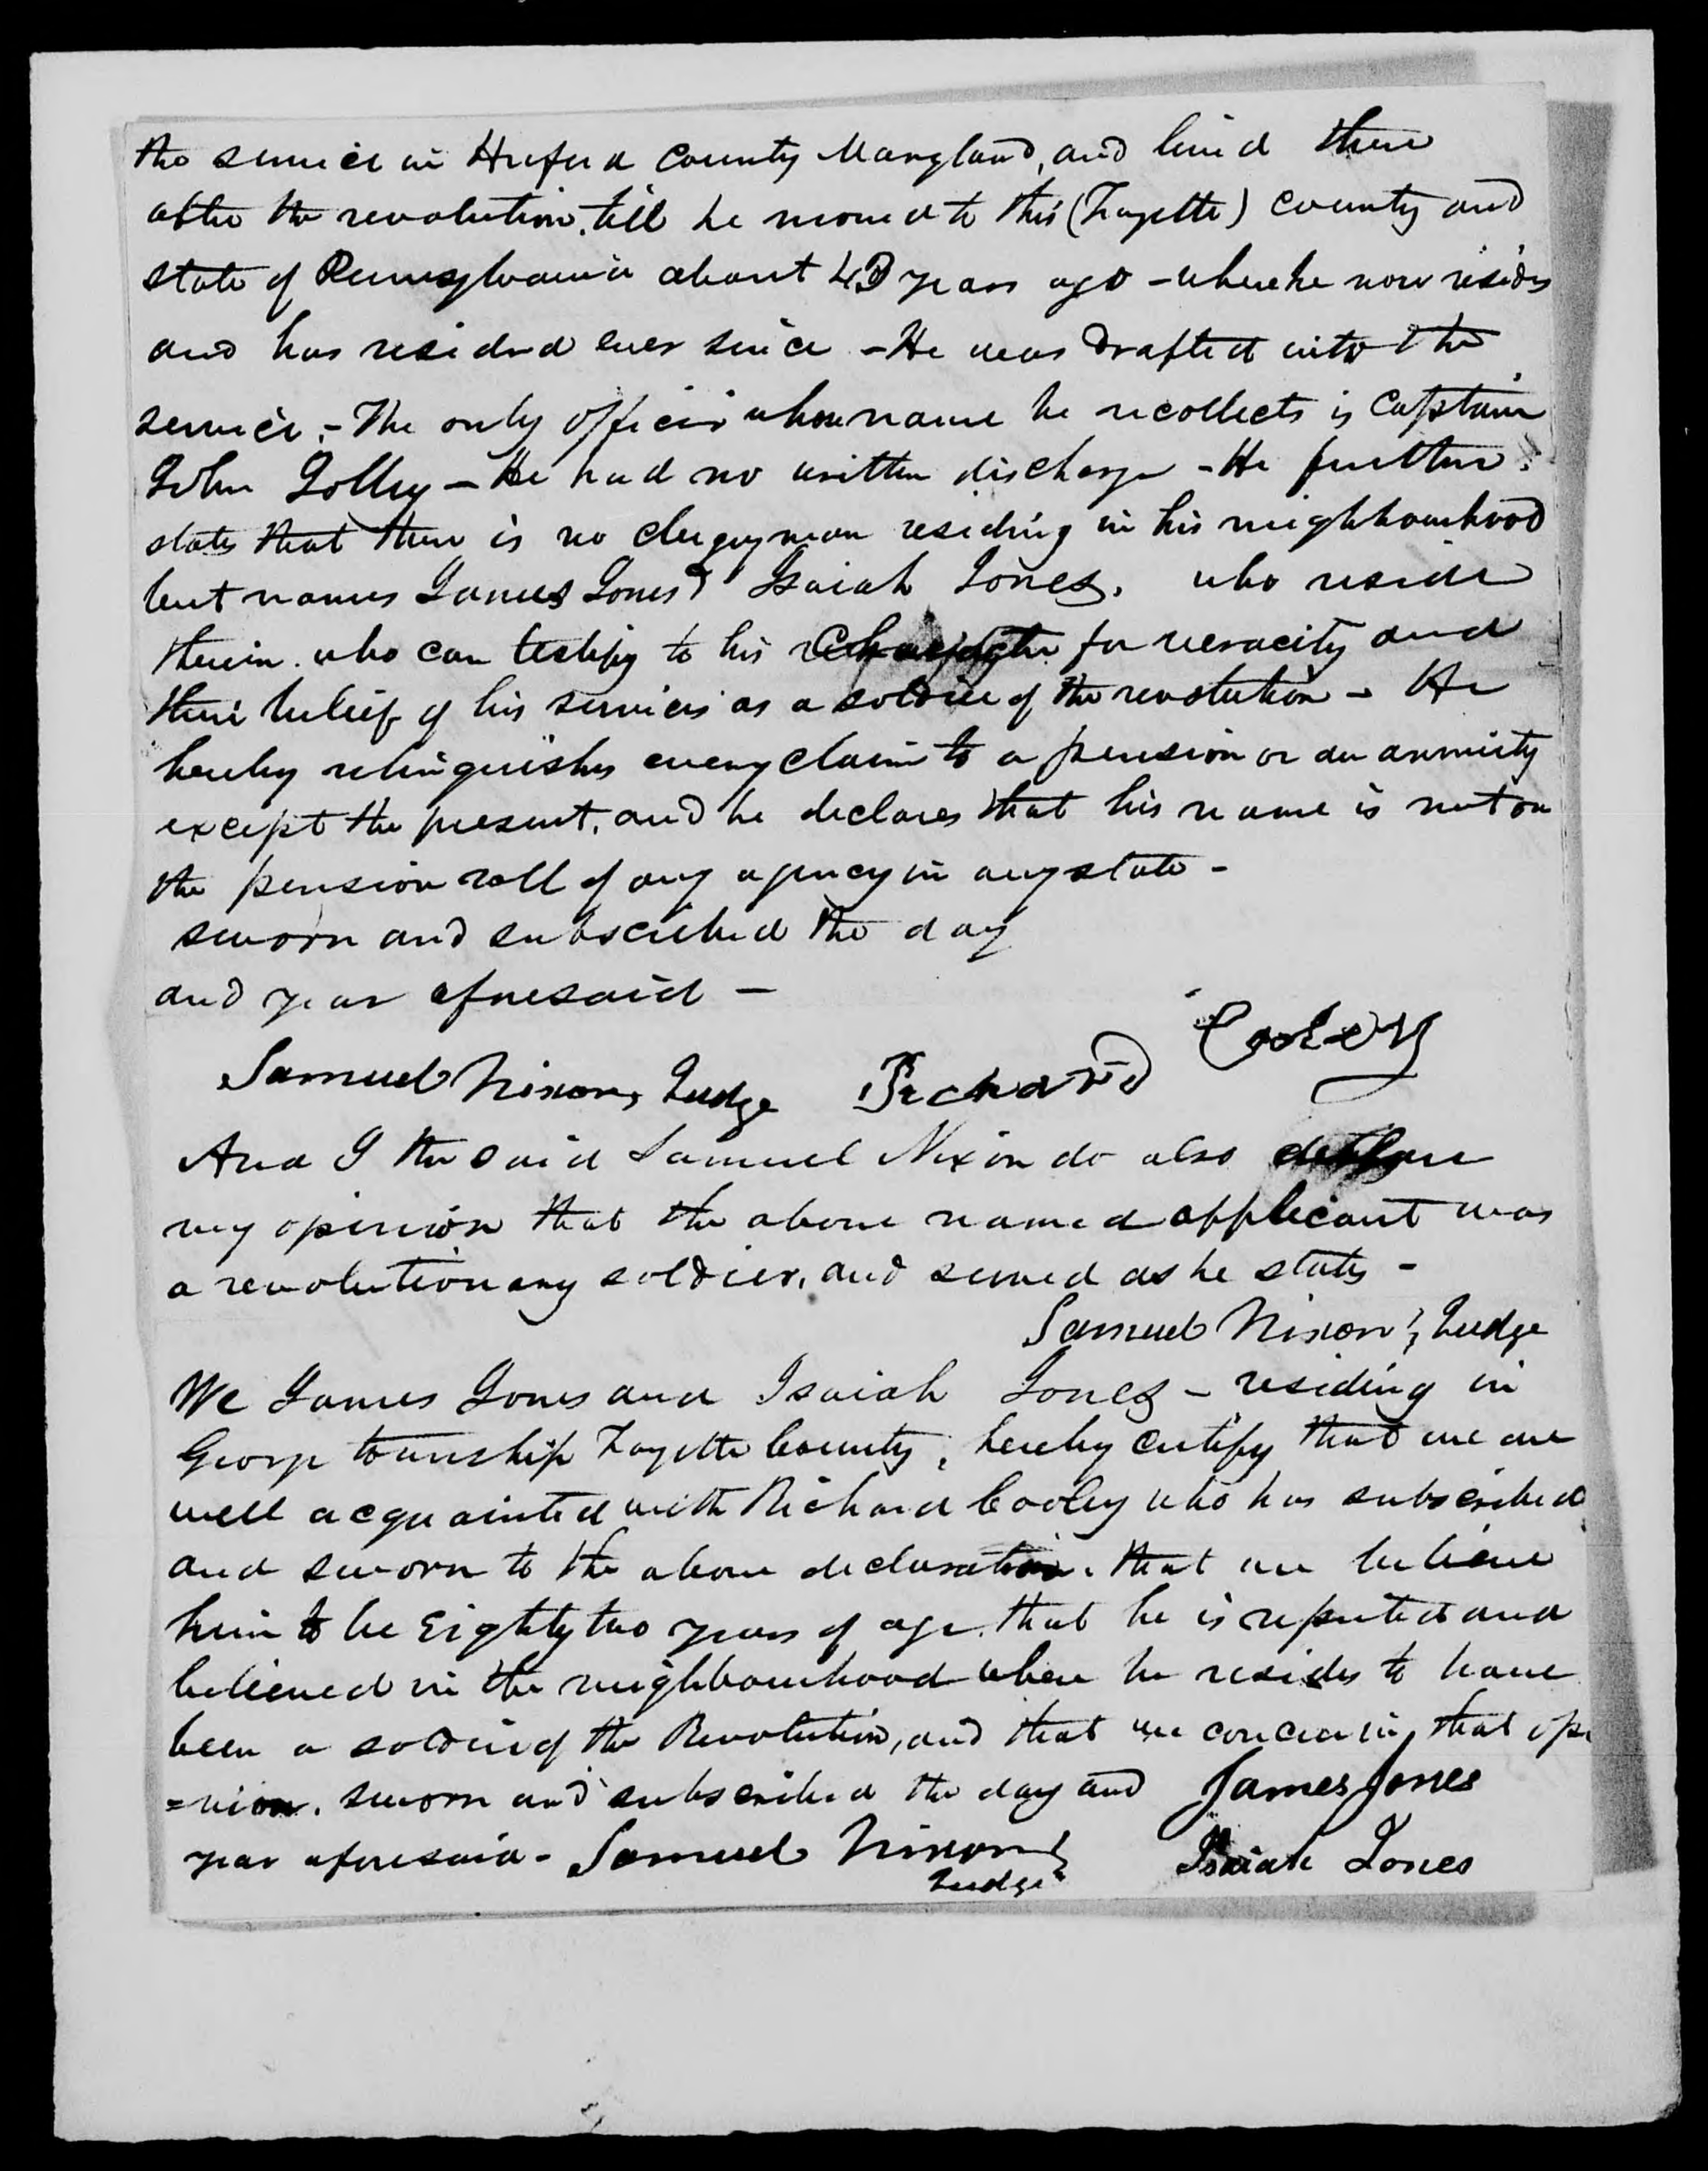the service in Herferd [Harford} County Maryland, and lived there after the revolution till he moved to this (Fayette) county and state of Pennsylvania about 43 years ago - where he now resides and has resided ever since - He was drafted into the service, -The only officer whose name he recollects is Captain John Jolley - He had no written discharge - He further states that there is no clergyman residing in his neighbourhood but names James Jones & Isaiah Jones, who reside therein who can testify to his character for veracity and their belief of his service as a soldier of the revolution - He hereby relinquishes every claim to a pension of an annuity except the present, and he declares that his name is not on the pension roll of any agency in any state -
Richard Cooley 
sworn and subscribed the day and year aforesaid -
Samuel Nixon, Judge

And I the said Samuel Nixon do also declare my opinion that the above named applicant was a revolutionary soldier, and served as he states -
Samuel Nixon, Judge

We James Jones and Isaiah Jones - residing in Georgetownship Fayette County, hereby certify that we are well acquainted with Richard Colley who has subscribed and sworn to the above declaration, that we believe him to be eighty two years of age that he is reputed and believed in the neighbourhood where he resides to have been a soldier of the Revolution, and that we concur in that opinion.
Jomes Jones
Isaiah Jones
Sworn and subscribed the day and year aforesaid-
Samuel Nixon  Judge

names: Isaiah Jones, John Jolley, James Jones, Samuel Nixon, Isaiah Jones, Richard Cooley, Samuel Nixon, Isaiah Jones, James Jones, Samuel Nixon, Richard Cooley, Samuel Nixon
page: 5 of 19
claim: rejected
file: R. 2,283, Richard Cooley, Md.